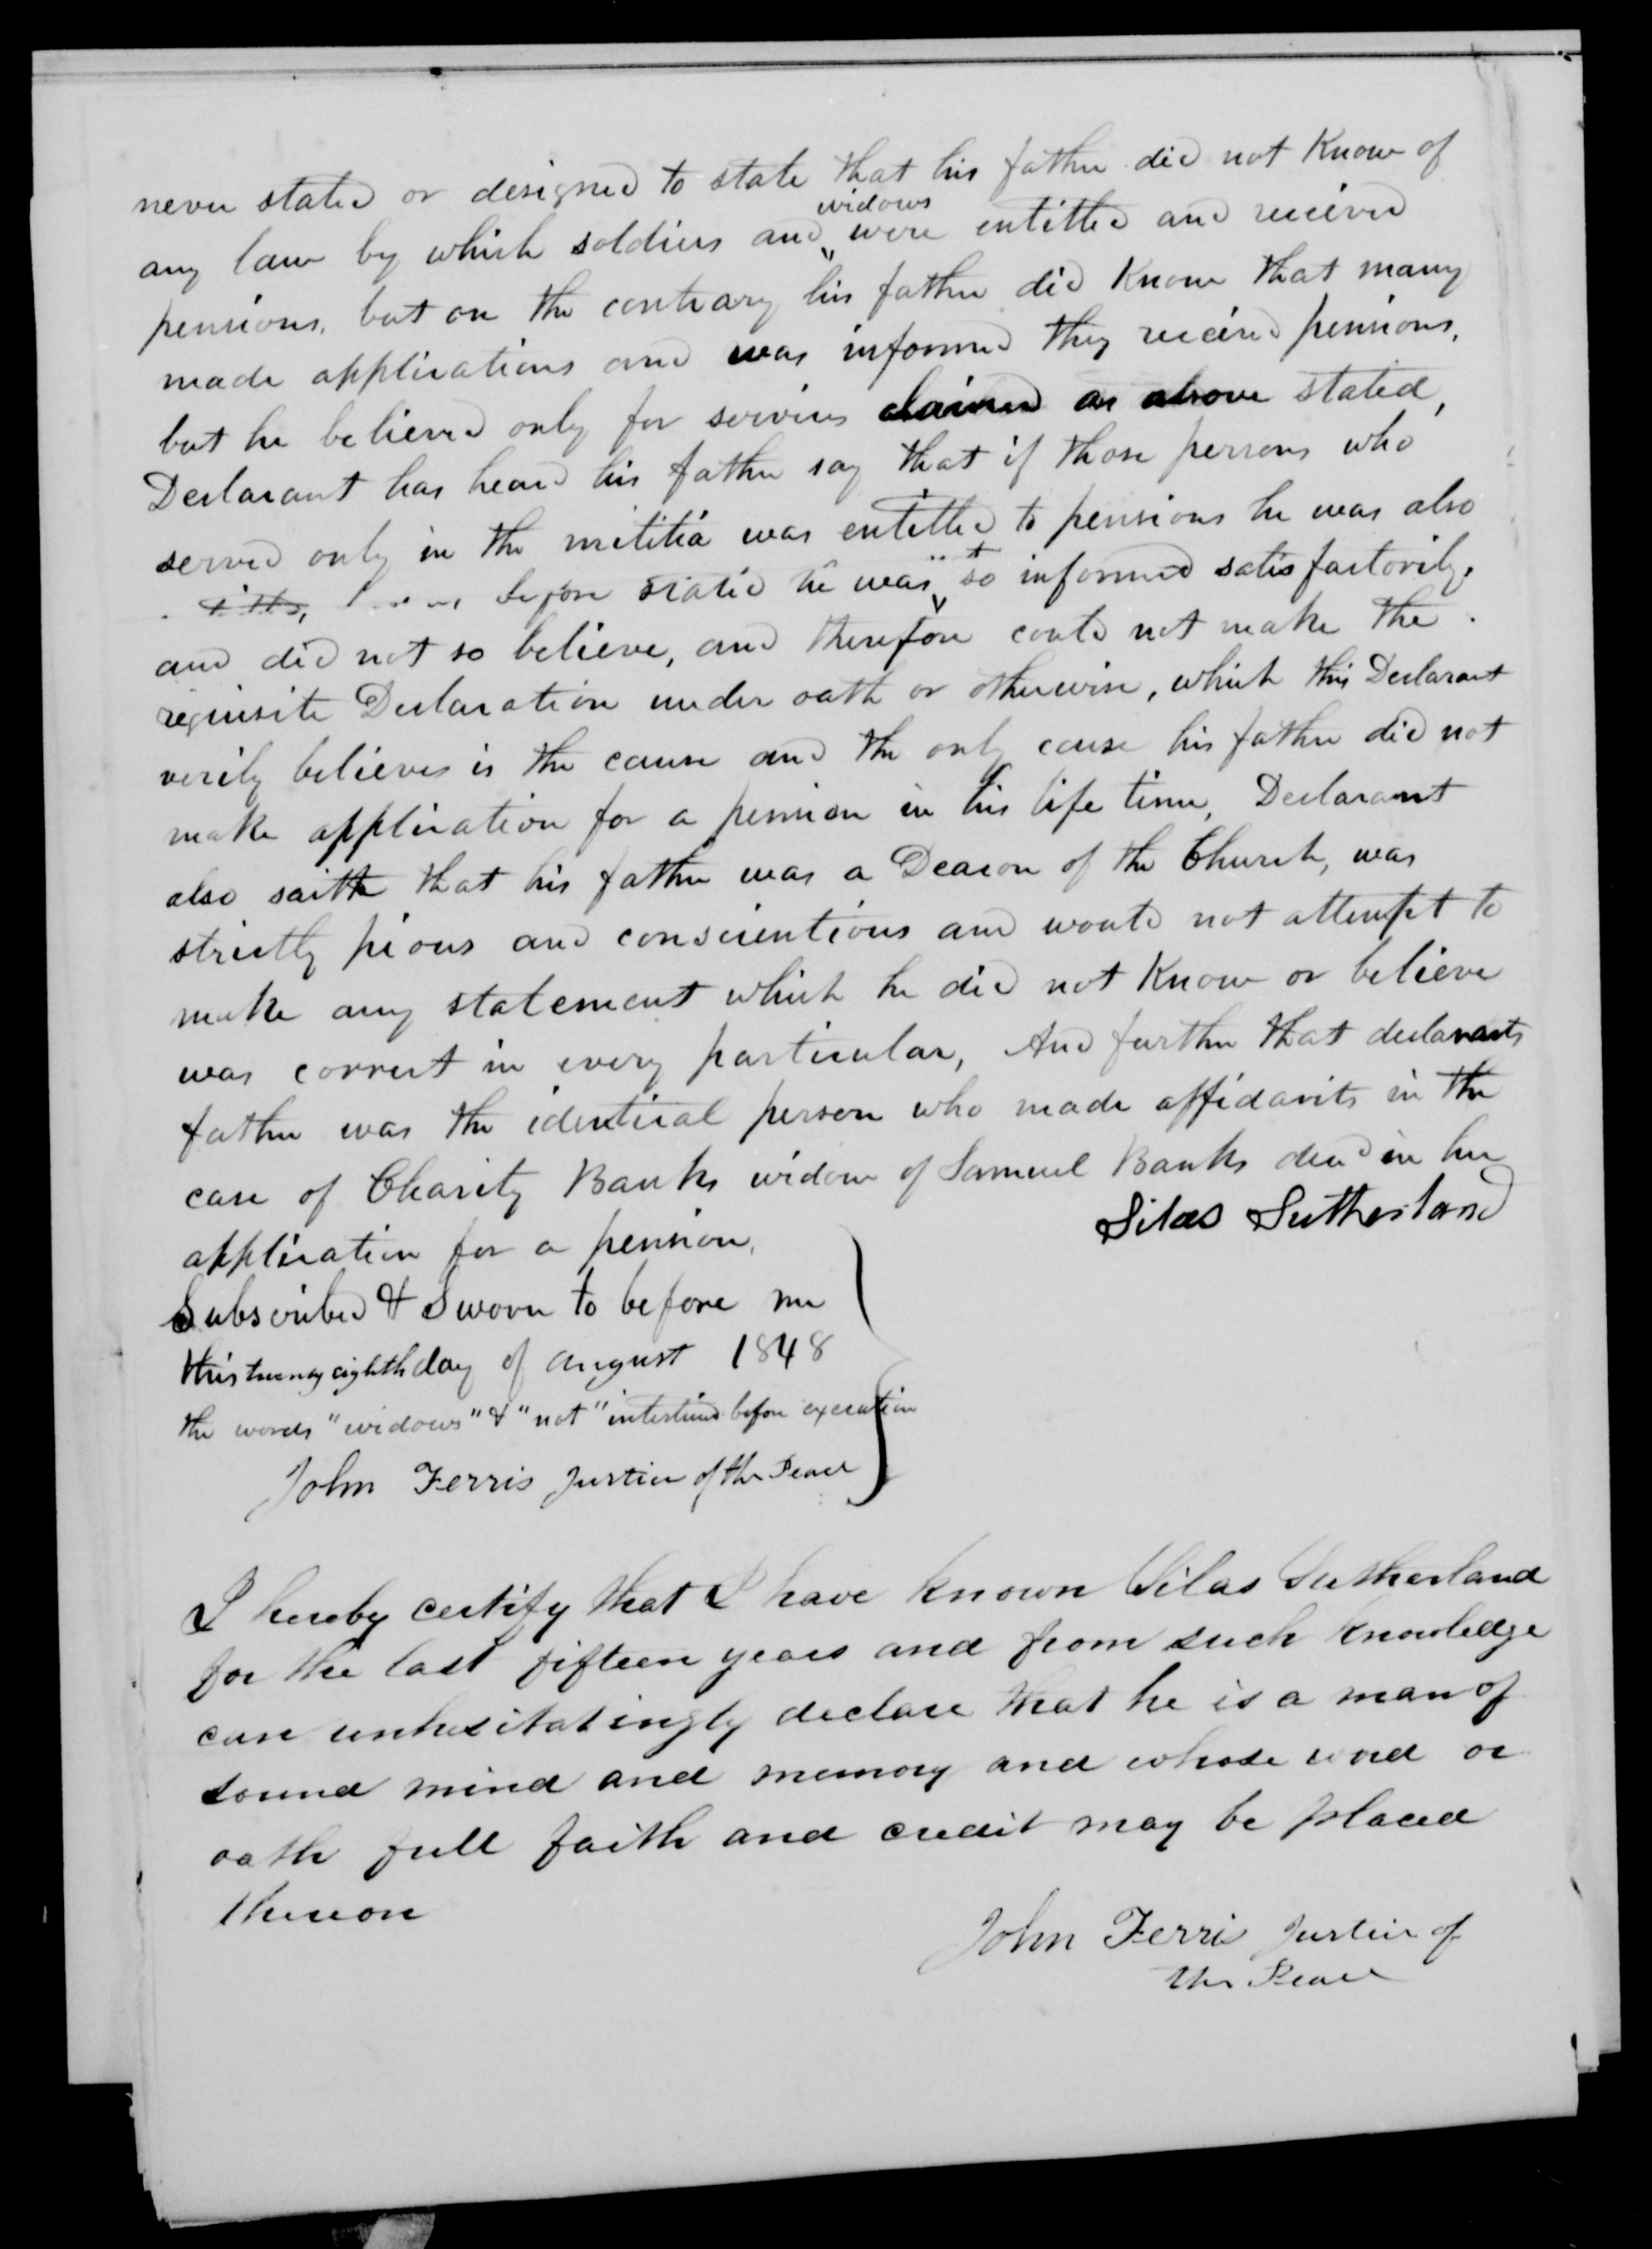never stated or designed to state that his father did not know of any law by which soldiers and widows were entitled and received pensions, but on the contrary his father did know that many made applications and was informed they received pensions, but he believed only for services claimed as above stated, Declarant has heard his father say that if those persons who served only in the militia was entitled to pensions he was also [illegible over fold] he was not so informed satisfactorily, and did not so believe, and therefore could not make the requisite Declaration under oath or otherwise, which this Declarant verily believes is the cause and the only cause his father did not make application for a pension in his life time, Declarant also saith that his father was a Deacon of the Church, was strictly pious and conscientious and would not attempt to make any statement which he did not know or believe was correct in every particular.  And further that declarant's father was the identical person who made affidavits in the case of Charity Bank, widow of Samuel Bank decd in her application for a pension.  

Silas Sutherland

Subscribed and sworn to before me this twenty eighth day of August 1848 the words "widows" and "not" inserted before execution.

John Ferris Justice of the Peace

I hereby certify that I have known Silas Sutherland for the last fifteen years and from such knowledge can unhesitantingly declare that he is a man of sound mind and memory and whose word or oath full faith and credit may be placed thereon.

John Ferris Justice of the Peace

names: John Ferris; John Ferris; Samuel Banks; Silas Sutherland; Silas Sutherland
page: 26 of 77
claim: survivor's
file: S. 23003, for Silas Southerland, New York